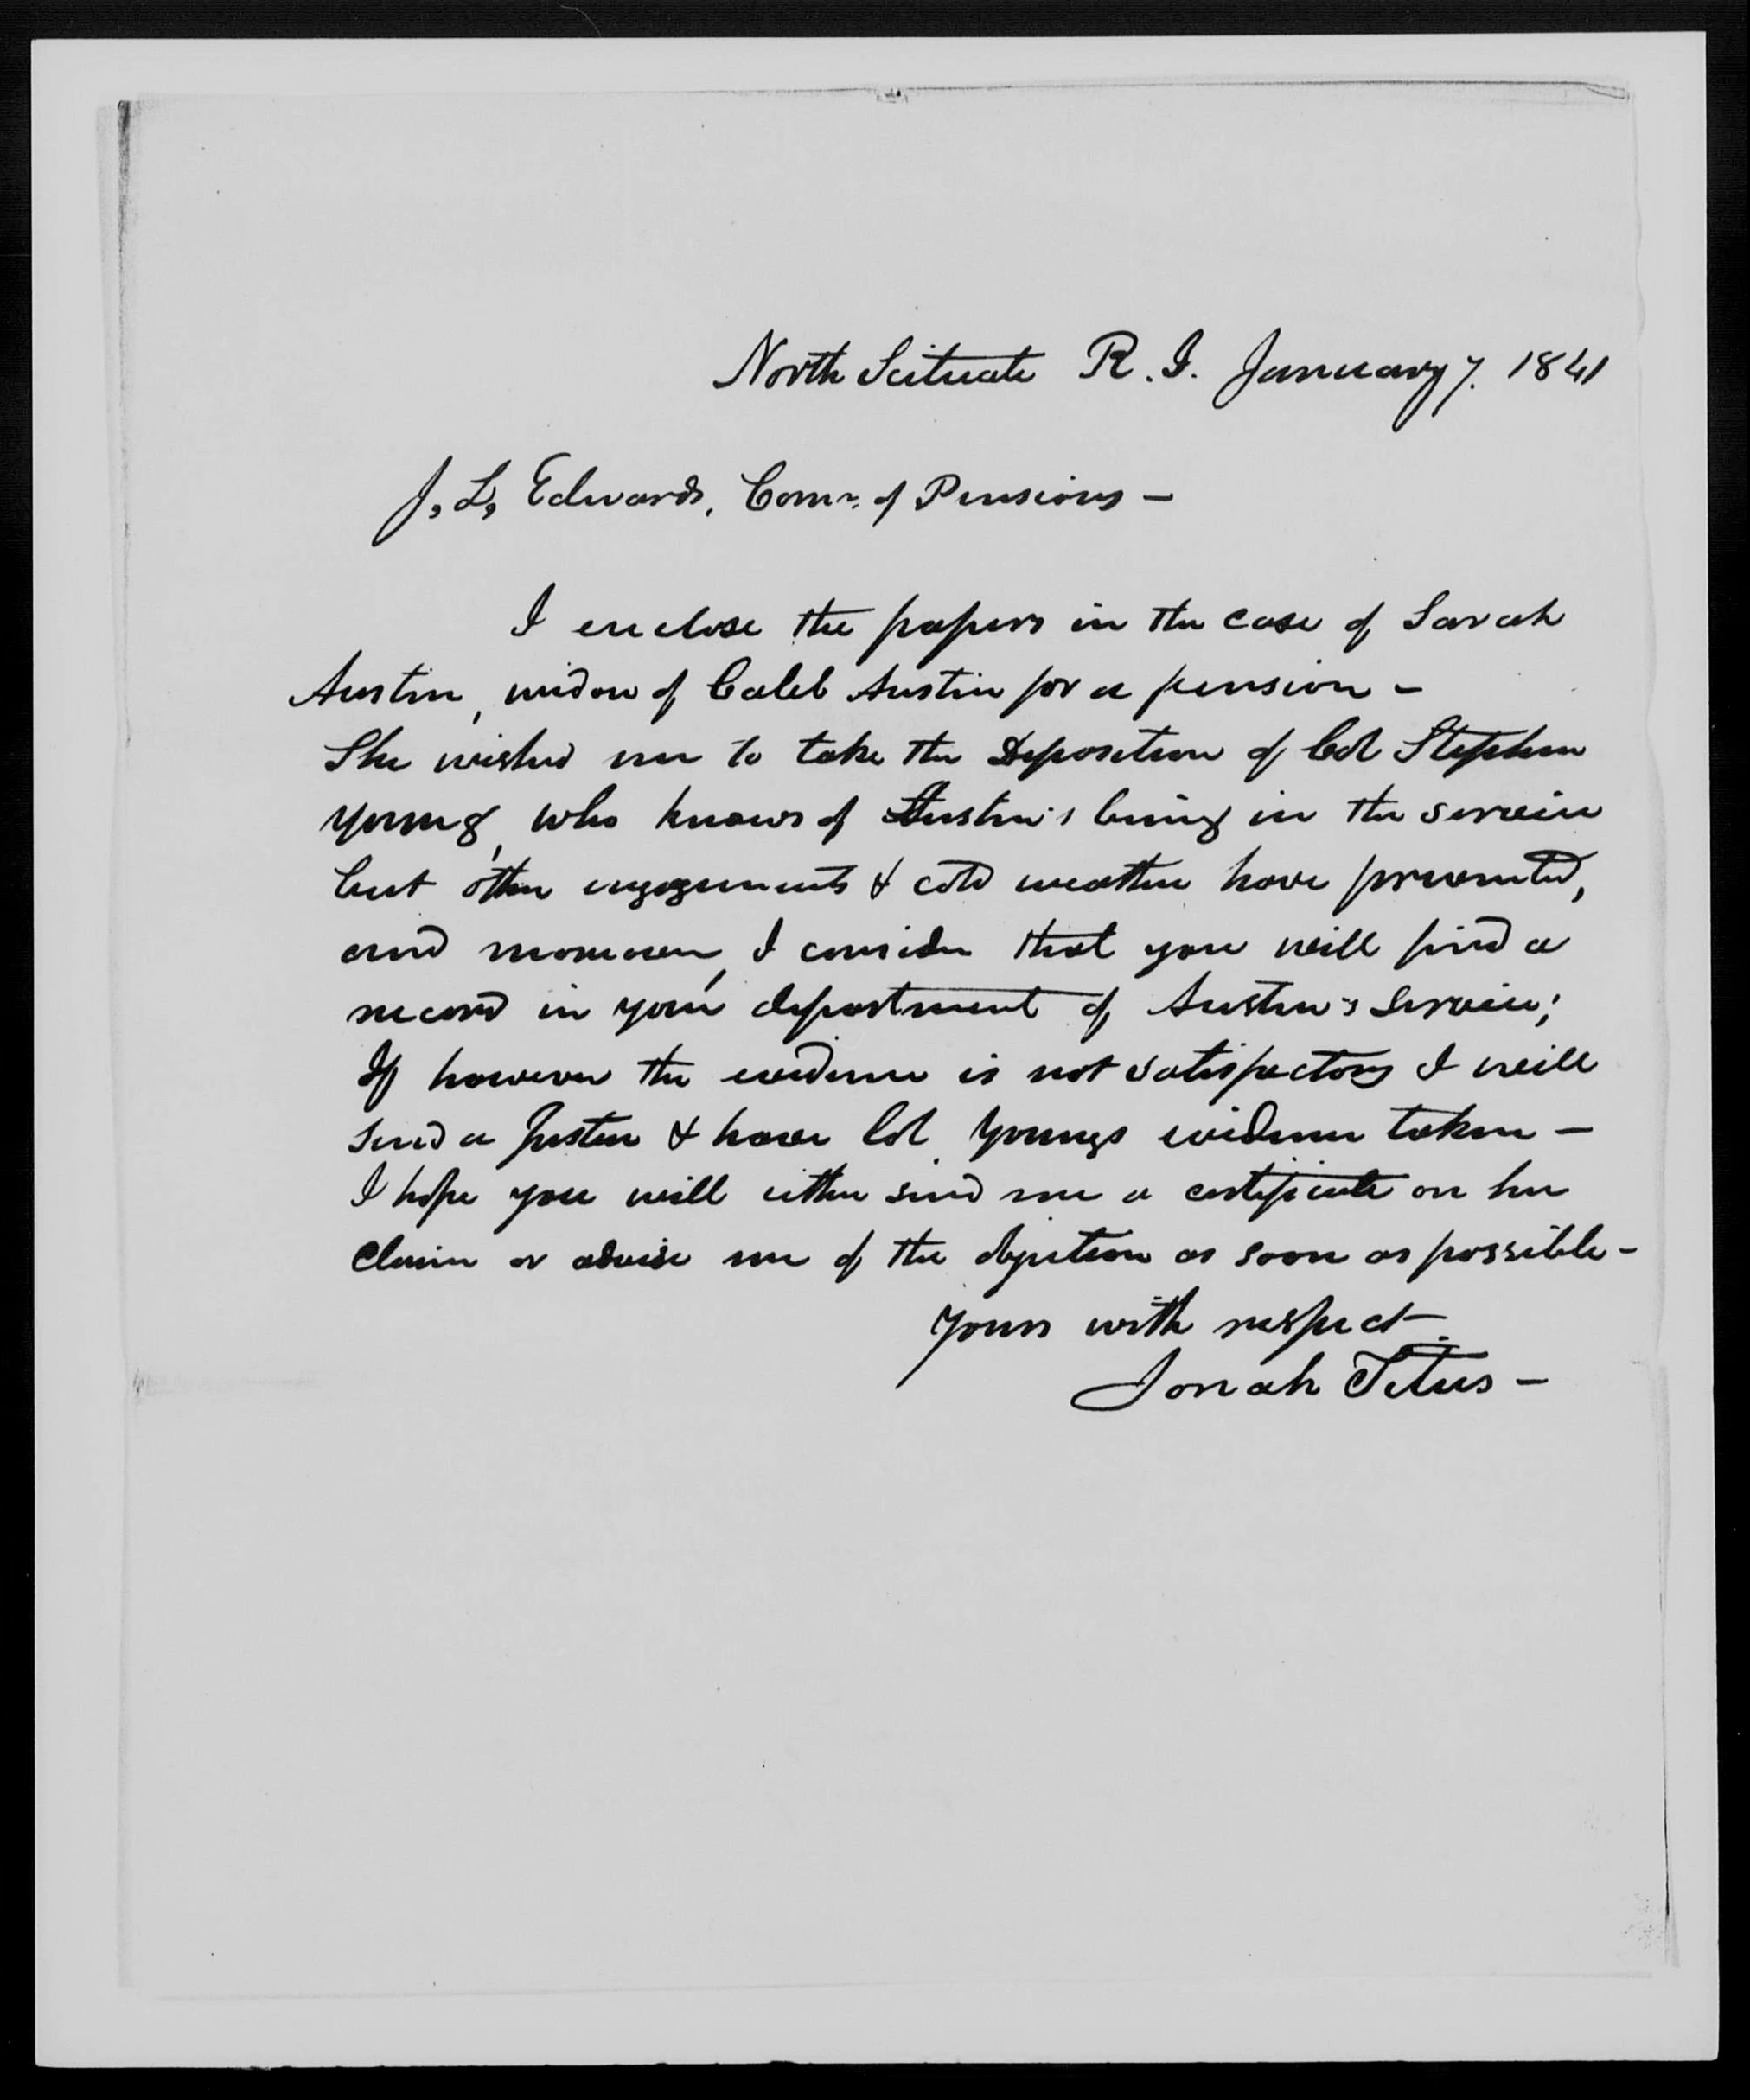J. L. Edwards, Comm of Pensions
I enclose the papers in the case of Sarah
Austin, widow of Caleb Austin for a pension.
She wished me to take the deposition of Col Stephen
Young who knows of Austin's being in the service
but other engagements & cold weather have prevented,
and moreover, I consider that you will find a
record in your department of Ausitn's service;
if however the evidence is not satisfactory I will
send a Justice & have Col Youngs evidence taken-
I hope you will either send me a certificate on her
claim or advise me of the objection as soon as possible.
Yours with respect-
Jonah Titus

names: Caleb Austin, Young, Stephen Young, Jonah Titus, Sarah Austin, J L Edwards, Austin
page: 15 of 18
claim: widow's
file: W. 20640, Caleb Austin, R.I.